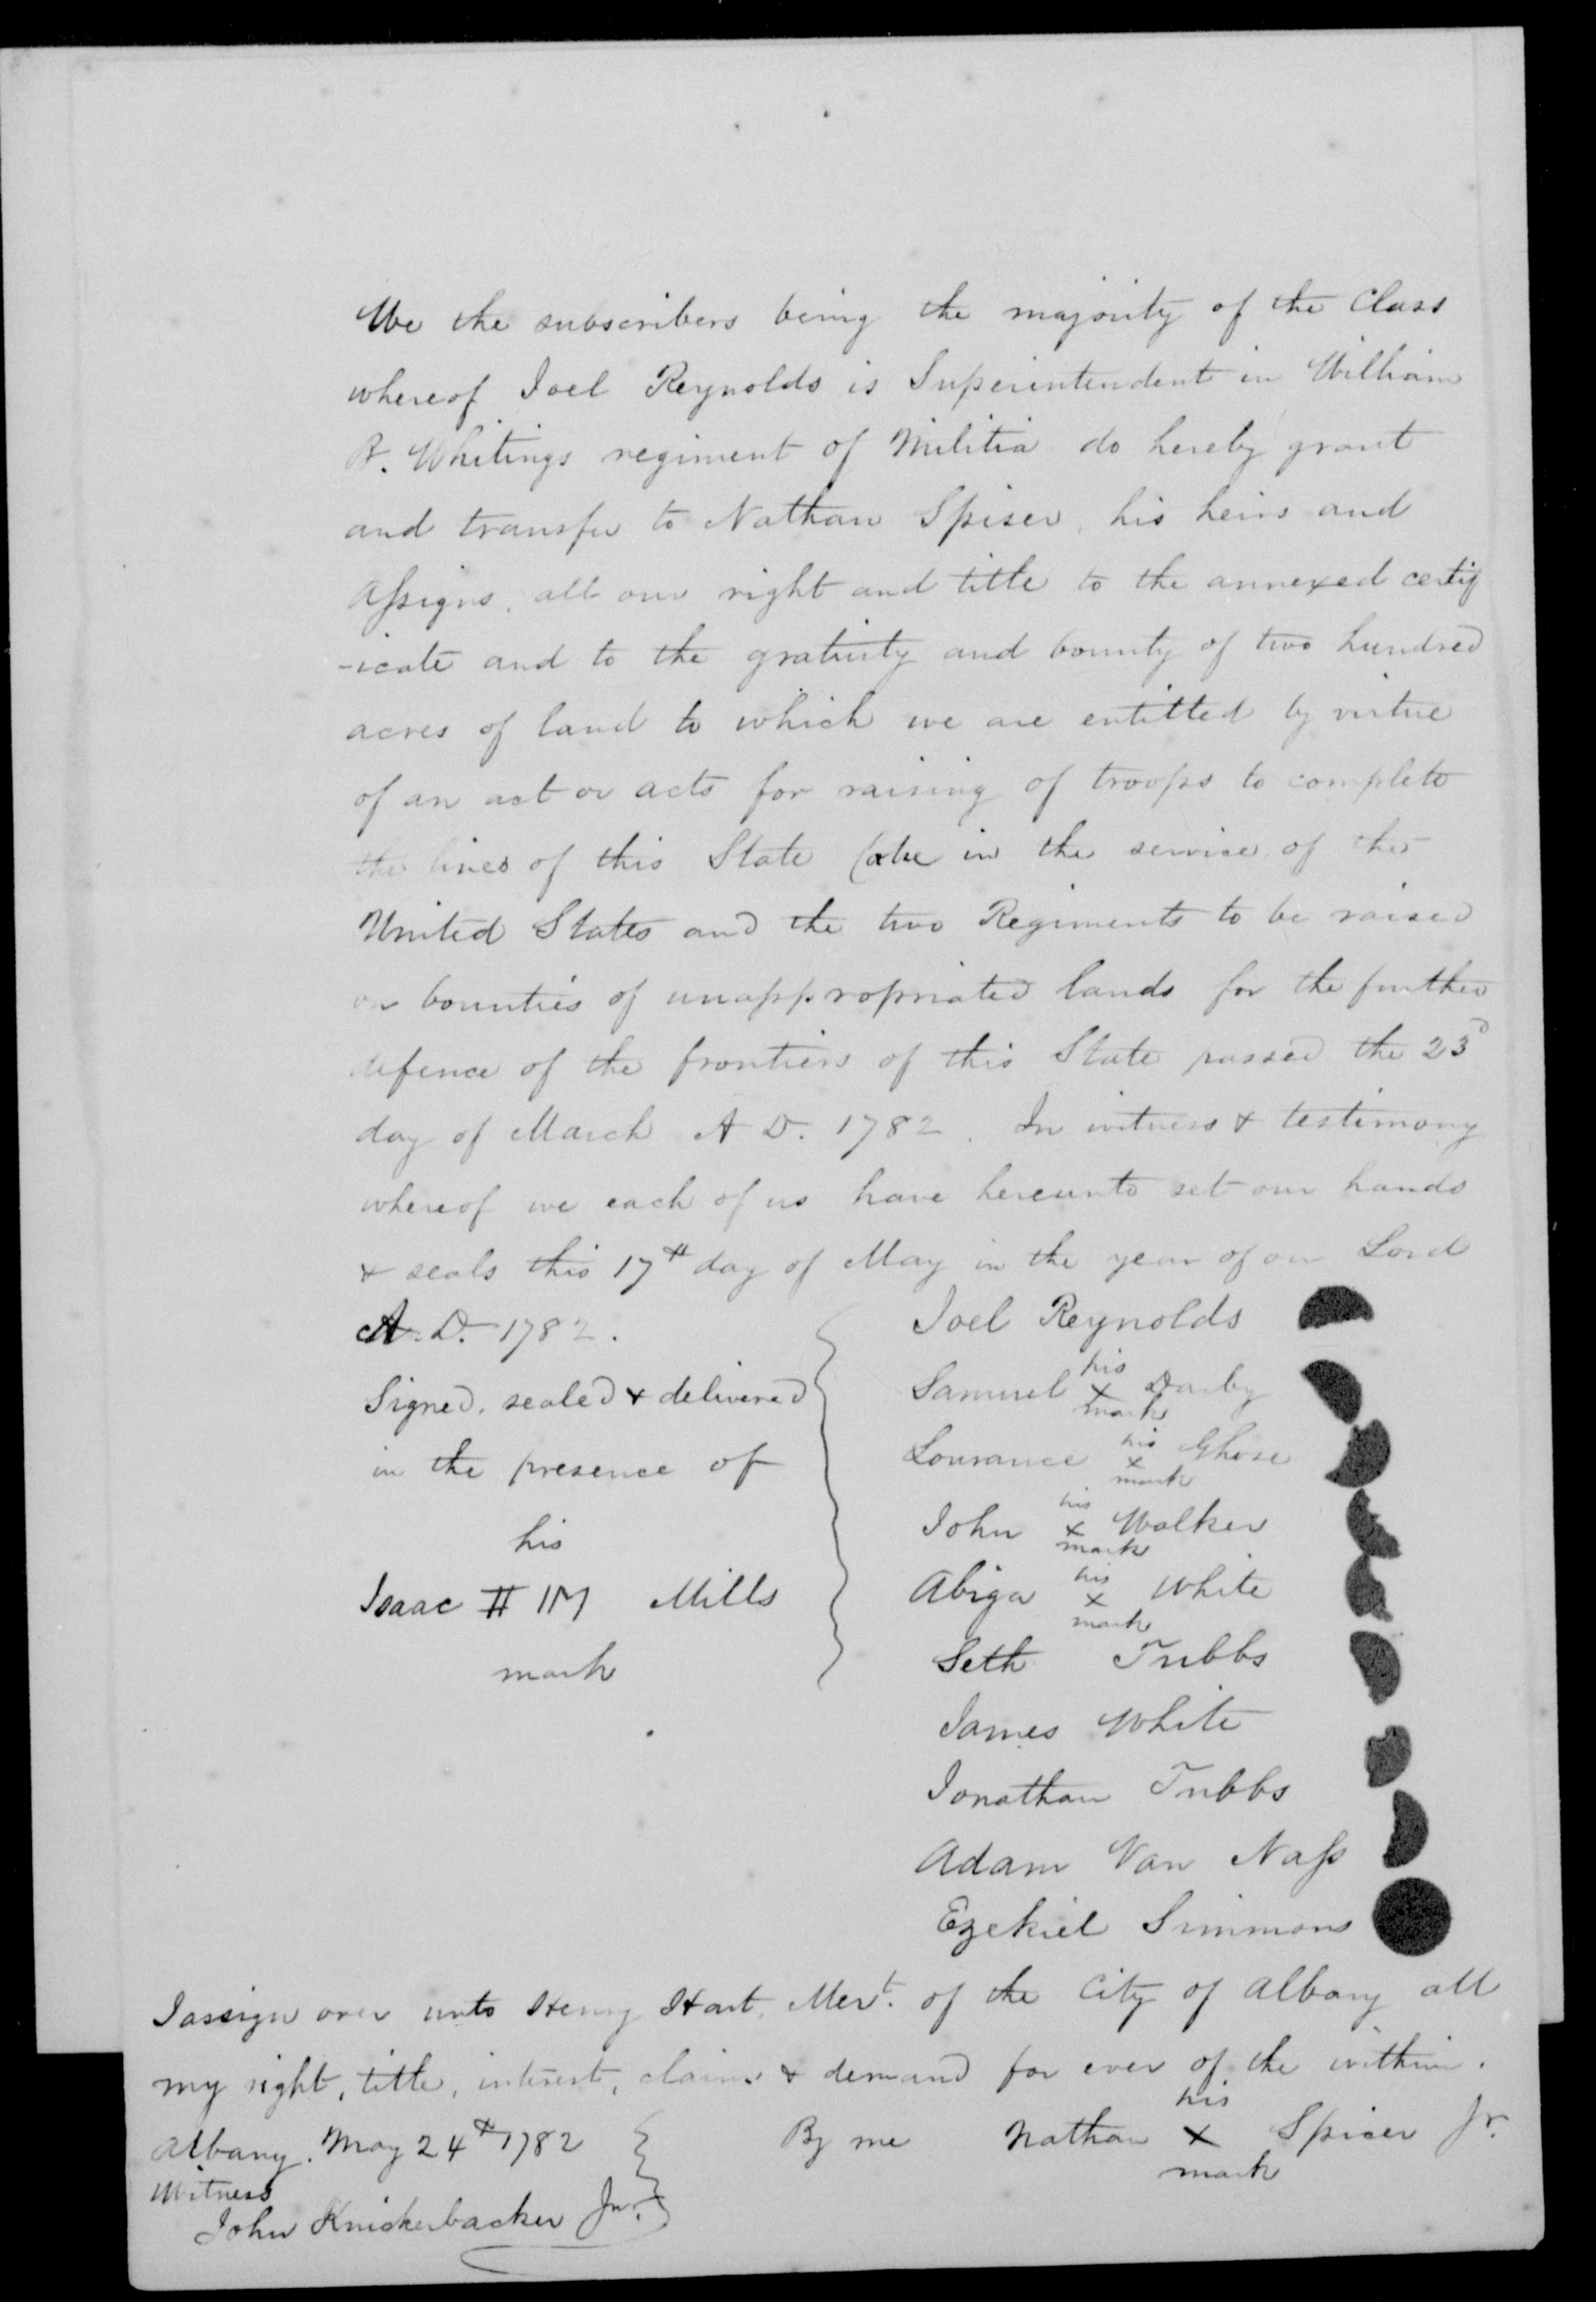We the subscribers being the majority of the class whereof Joel Reynolds is Superintendent in William B. Whitings regiment of Militia do hereby grant and transfer to Nathan Spicer, his heirs and assigns, all our right and title to the annexed certificate and to the gratuity and bounty of two hundred acres of land to which we are entitled by virtue of an act or acts for raising of troops to complete the lines of this State [illegible] in the service of the United States and the two Regiments to be raised on bounties of unappropriated lands for the further defence of the frontiers of this State raised the 23d day of March A.D. 1782. In witness & testimony whereof we each of us have hereunto set our hands & seals this 17th day of May in the year of our Lord A.D. 1782.

Joel Reynolds
Samuel Darby - X his mark
Lourance Ghise - X his mark
John Walker - X his mark
Abiga White - X his mark
Seth Tubbs
James White
Jonathan Tubbs
Adam Van Nass
Ezekiel Simmons

Signed, sealed & delivered in the presence of Isaac Mills - #IM his mark

I assign over unto Henry Hart, Mert. of the City of Albany all my right, title, interest, claims & demand for ever of the within.
By me Nathan Spicer Jr. - X his mark
Albany, May 24th 1782
Witness John Knickerbacker Jr.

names: Lourance Ghise; James White; John Walker; Adam Van Nass; Nathan Spicer; John Knickerbacker; Nathan Spicer; Joel Reynolds; Seth Tubbs; Isaac Mills; Henry Hart; Joel Reynolds; Jonathan Tubbs; Abiga White; Ezekiel Simmons; Samuel Darby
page: 18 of 33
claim: rejected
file: R. 5603, for Nathan Spicer, New York